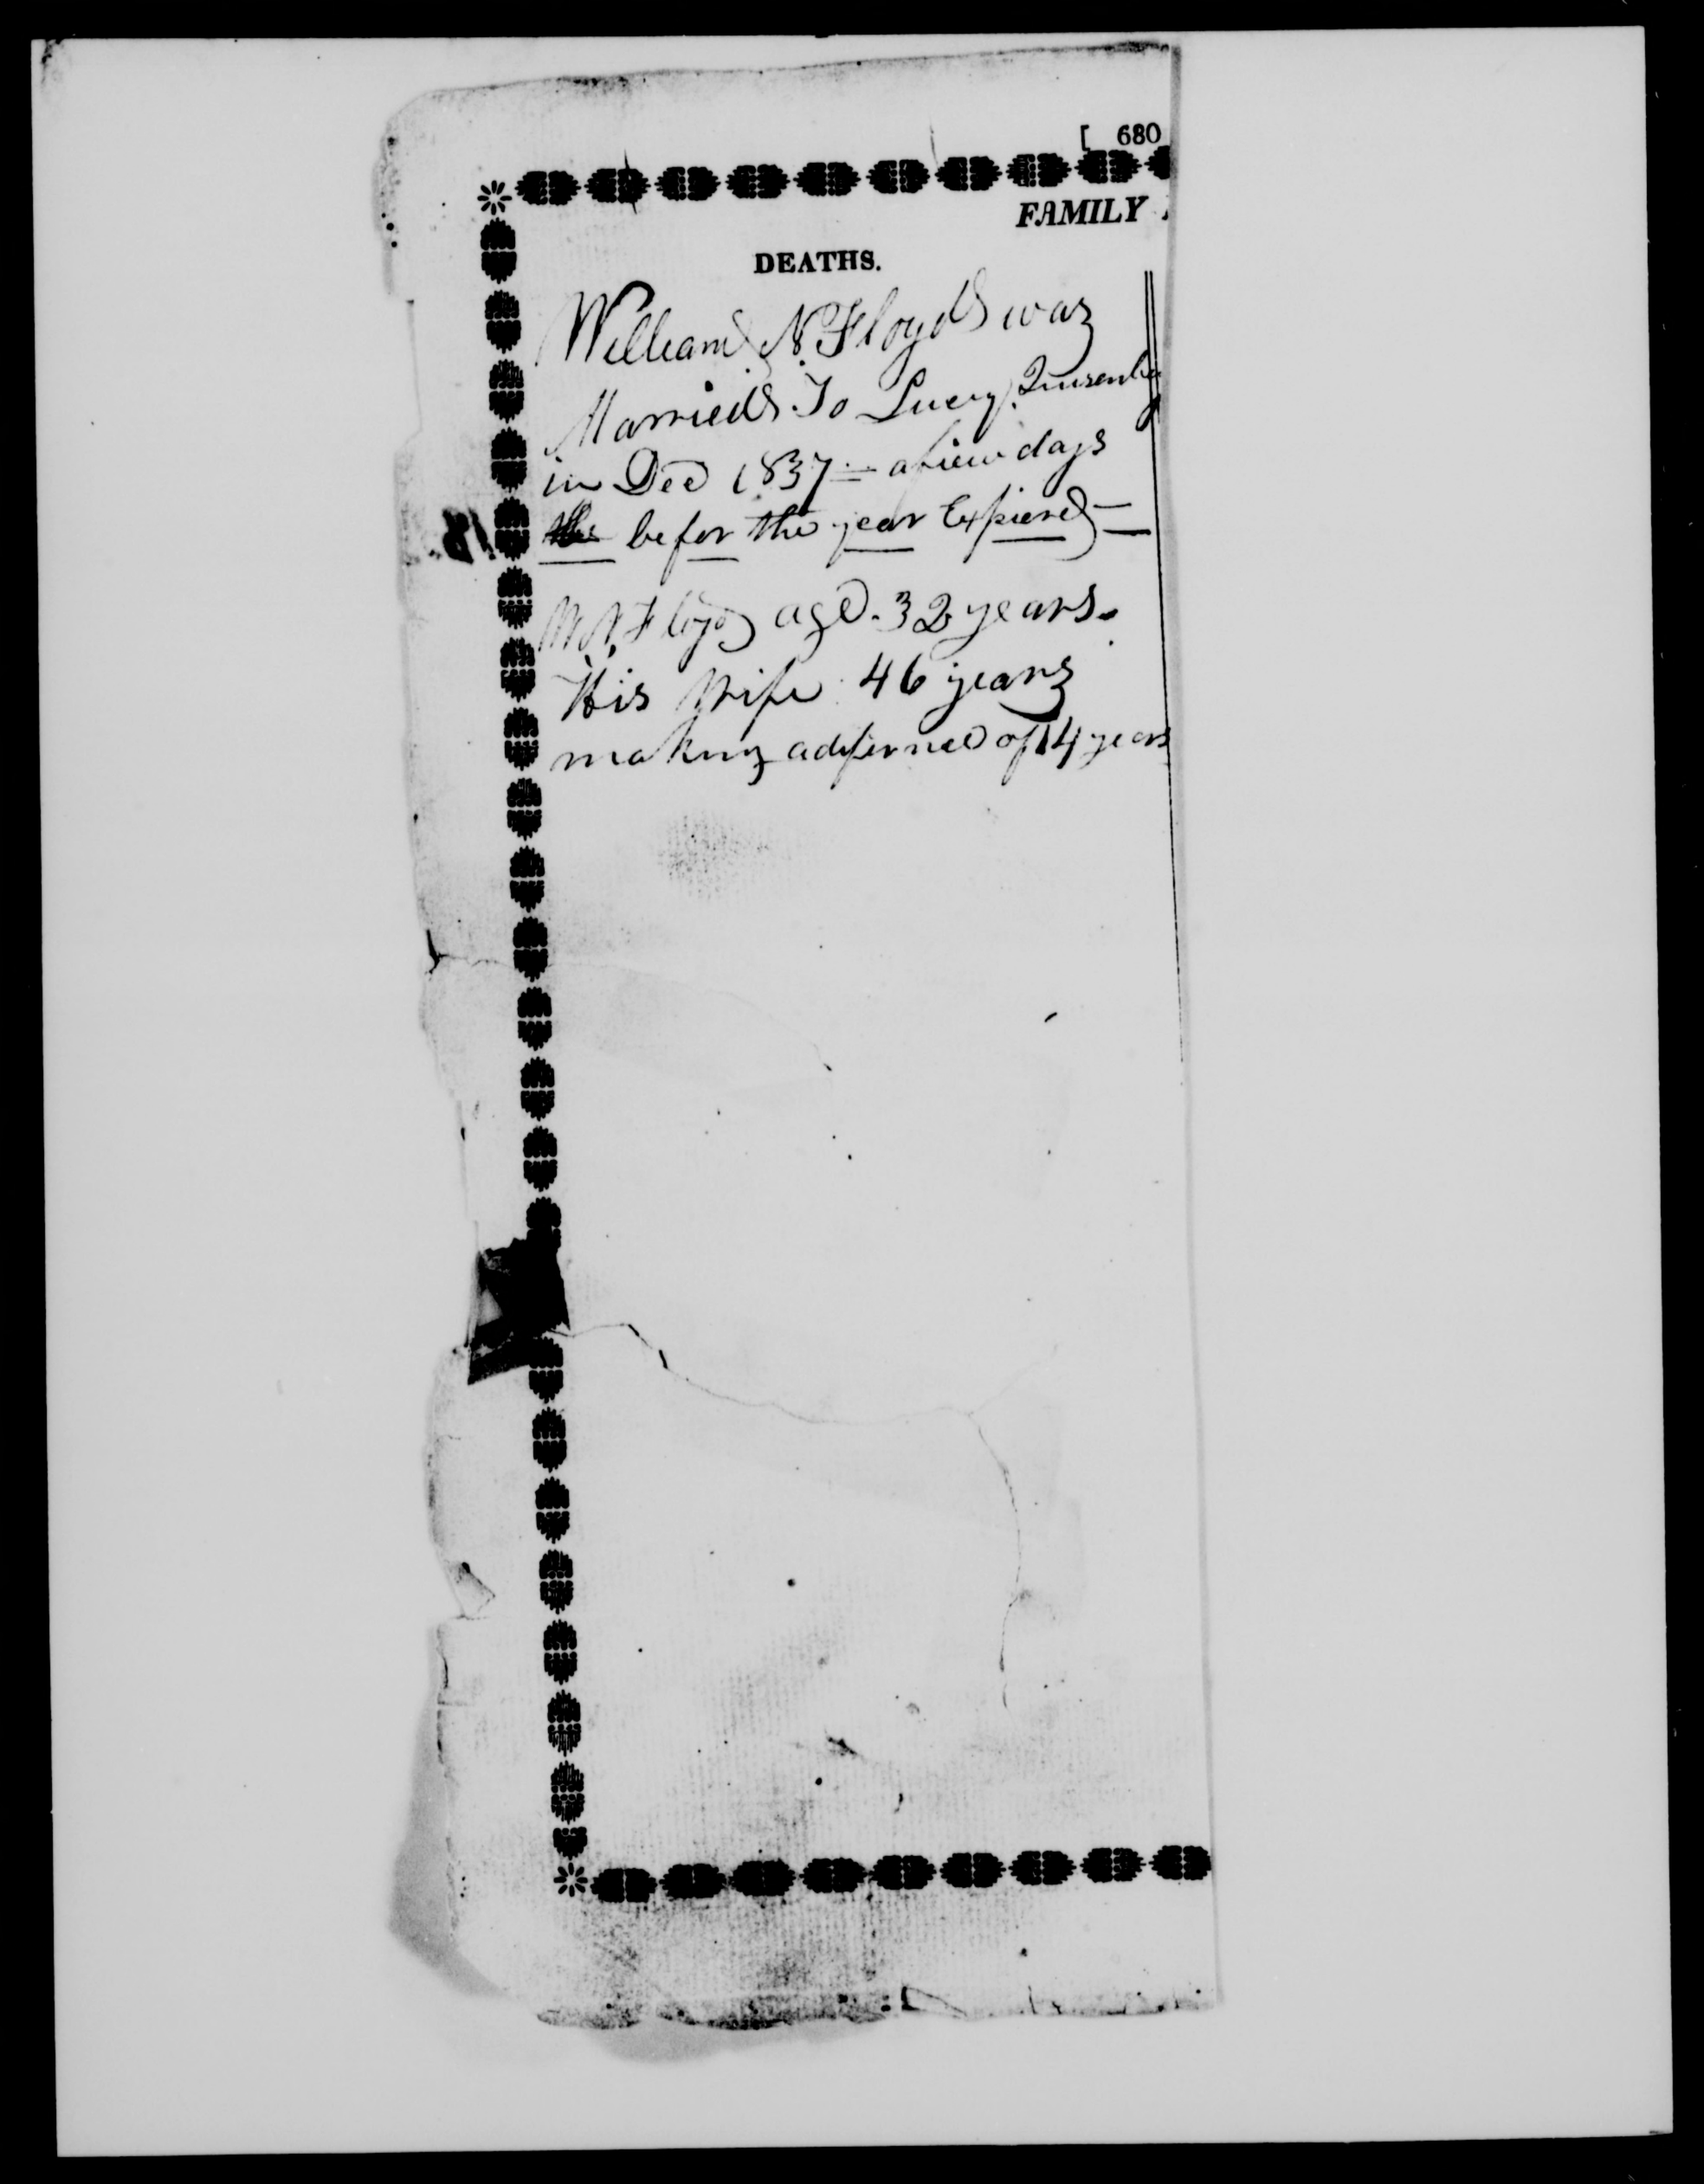680
FAMILY
DEATHS.
William N. Floyd was
Married to Lucy Quisenberry
in Dec 1837 a few days
the before the year expired--
W. N. Floyd age 32 years.
His wife 46 years making a difference of 14 years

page: 3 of 99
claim: widow's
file: W 8766, for James Stevens, Virginia